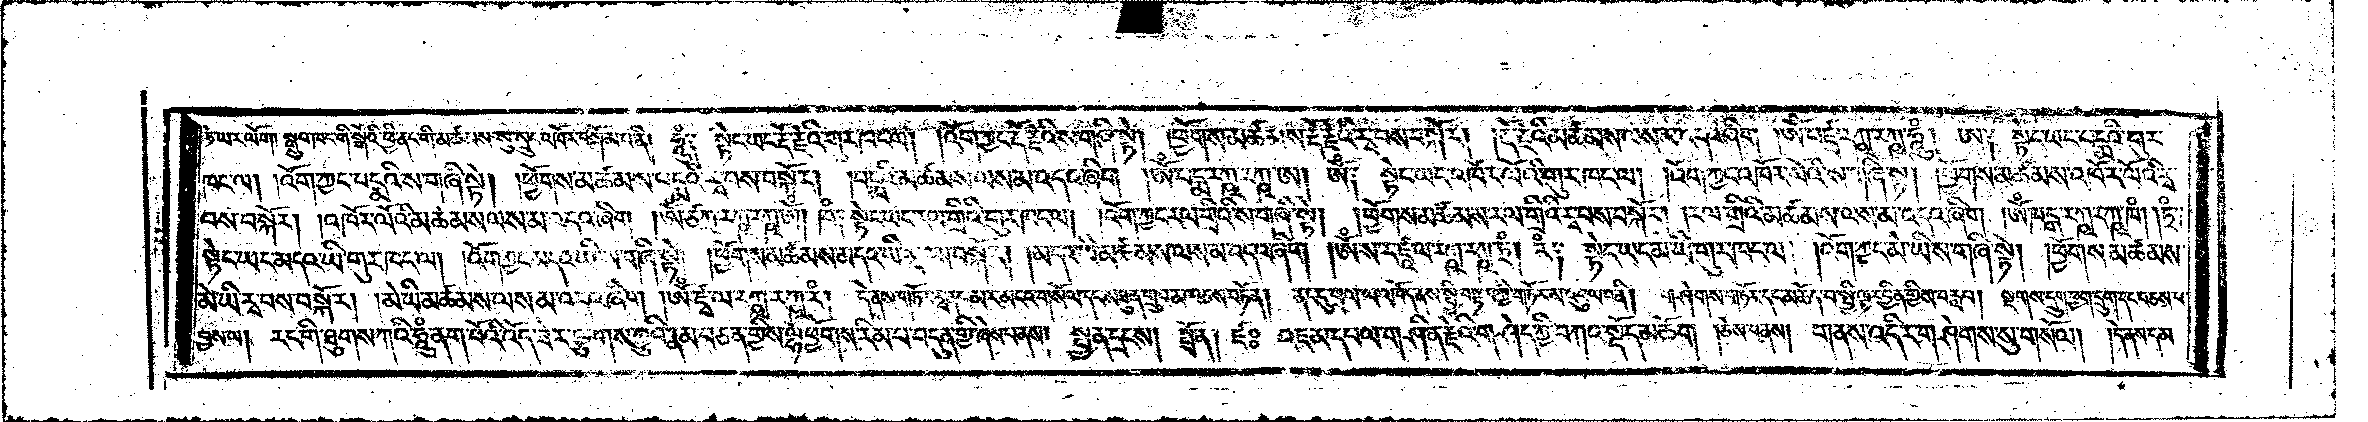ཏེ་ཡར་ལོག། སྒྲུབ་ཁང་གི་སྒོའི་ཕྱི་ནང་གི་མཚམས་སུ་སྲུང་འཁོར་སྒྲོམ་པ་ནི། ཧཱུཾ༑ སྟེང་ཕང་རྡོ་རྗེའི་གུར་ཁང་ལ། །འོག་ཀྱང་རྡོ་རྗེའི་ས་གཞི་སྟེ། །ཕྱོགས་མཚམས་རྡོ་རྗེའི་རྭ་བས་བསྐོར། །རྡོ་རྗེའི་མཚམས་ལས་པ་འདའ་ཞིག །ཨོཾ་བྫྲ་རཀྵ་རཀྵ་ཧཱུཾ༑ ཨ༑ སྟེང་ཡང་པདམའི་གུར་
ཁང་ལ། འོག་ཀྱང་པདམའི་ས་གཞི་སྟེ། ཕྱོགས་མཚམས་པདམའི་རྭ་བས་བསྐོར། །པདམའི་མཚམས་ལས་མ་འདའ་ཞིག །ཨོཾ་པདམ་རཀྵ་རཀྵ་ཨ། ཨོཾ༑ སྟེང་ཡང་འཁོར་ལོའི་གུར་ཁང་ལ། །འོག་ཀྱང་འཁོར་ལོའི་ས་གཞི་སྟེ། །ཕྱོགས་མཚམས་འཁོར་ལོའི་རྭ་
བས་བསྐོར། །འཁོར་ལོའི་མཚམས་ལས་མ་འདའ་ཞིག །ཨོཾ་ཙཀྲ་རཀྵ་རཀྵ་ཨོཾ། ཁཾ། སྟེང་ཡང་རལ་གྲིའི་གུར་ཁང་ལ། །འོག་ཀྱང་རལ་གྲིའི་ས་གཞི་སྟེ། །ཕྱོགས་མཚམས་རལ་གྲིའི་རྭ་བས་བསྐོར། །རལ་གྲིའི་མཚམས་ལས་མ་འདའ་ཞིག །ཨོཾ་ཁངྒ་རཀྵ་རཀྵ་ཁཾ། །ཏྲཾ༑
སྟེང་ཡང་མདའ་ཡི་གུར་ཁང་ལ། །འོག་ཀྱང་མདའ་ཡིས་གཞི་སྟེ། །ཕྱོགས་མཚམས་མདའ་ཡི་རྭ་བས་བསྐོར། །མདའ་ཡི་མཚམས་ལས་མ་འདའ་ཞིག །ཨོཾ་ས་ར་ཛཱ་ལ་རཀྵ་རཀྵ་ཏྲཾ༑ རཾ༑ སྟེང་ཡང་མེ་ཡི་གུར་ཁང་ལ། །འོག་ཀྱང་མེ་ཡིས་གཞི་སྟེ། །ཕྱོགས་མཚམས་
མེ་ཡི་རྭ་བས་བསྐོར། །མེ་ཡི་མཚམས་ལས་མ་འདའ་ཞིག །ཨོཾ་ཛྭ་ལ་རཀྵ་རྐྵ་ར྾། དེ་ནས་གཏོར་རྭ་ནང་མར་མངའ་གསོལ་དང་མཐུན་གྲུབ་མ་བཅས་བཏོན། ནང་དུ་གྲལ་ལ་འྐོད་ནས་སྤྱི་བསྟབ་ཀྱི་གཏོར་མ་འབུལ་བ་ནི། གཤེགས་གཏོར་དང་མཆོད་པ་སྤྱི་ལྟ་དབྱིན་གྱིས་བརླབ། སྔགས་དྲུག་ཕྱག་དྲུག་དང་བཅས་པ་
བྱས་ལ། རང་གི་ཐུགས་ཀའི་ཧཱུཾ་ནག་པོའི་འོད་ཟེར་ལྕགས་ཀྱུའི་རྣམས་པ་ཅན་གྱིས་ལྷོ་ཕྱོགས་རིམ་པ་བདུན་གྱི་ཞེས་པ་ནས། སྤྱང་དྲངས། སྤྲོ་ན། ཛཿ འཇམ་དཔལ་གཤིན་རྗེའི་གཤིད་ཀྱི་བཀའ་སྡོད་མཆོག་།ཅེས་པ་ནས།  གནས་འདིར་གཤེགས་སུ་གསོལ། །དེ་ནས་དམ་